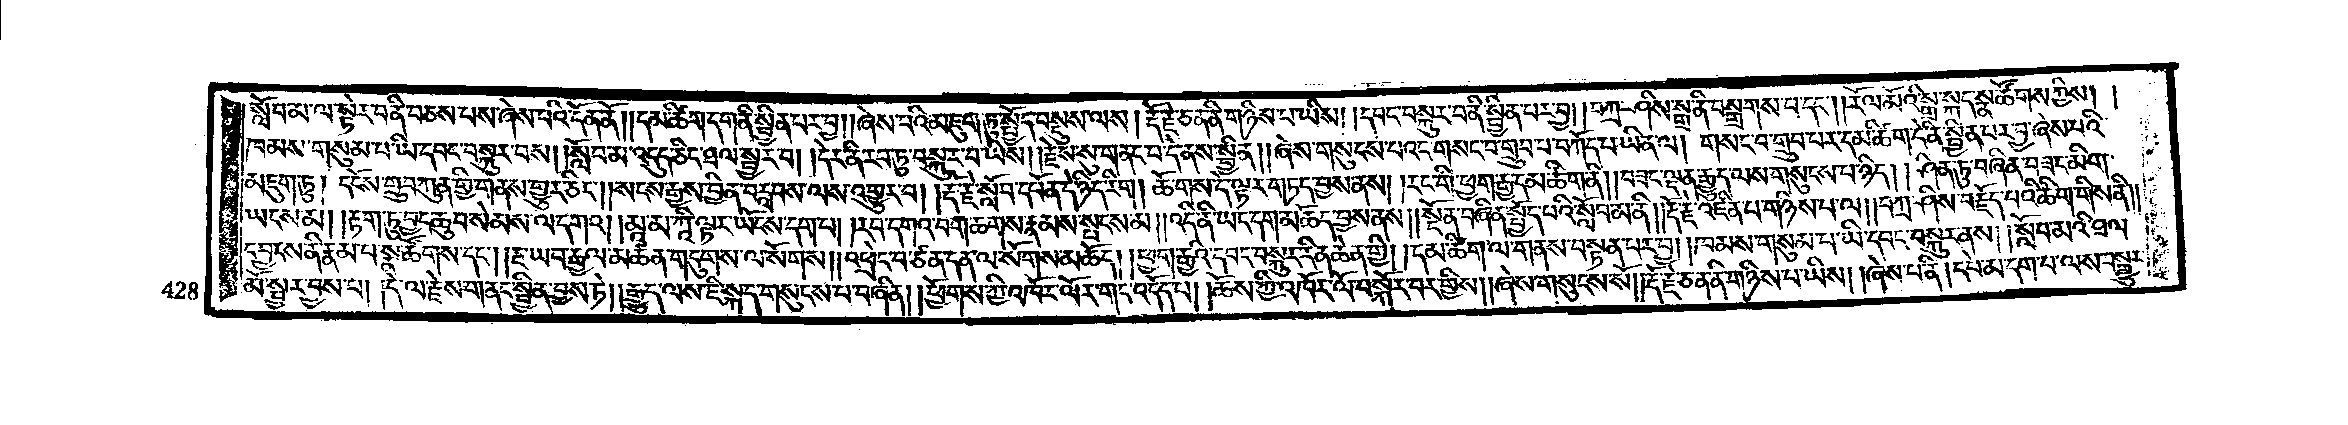སློབ་མ་ལ་སྟེར་བ་ནི་བཅས་པས་ཞེས་པའི་དོན་ནོ། །དམ་ཚིག་དག་ནི་སྦྱིན་པར་བྱ། །ཞེས་པའི་མཇུག་ཏུ་སྤྱོད་བསྡུས་ལས། རྡོ་རྗེ་ཅན་ནི་གཉིས་པ་ཡིས། །དབང་བསྐུར་བ་ནི་སྦྱིན་པར་བྱ། །བཀྲ་ཤིས་སྒྲ་ནི་བསྒྲགས་པ་དང་། །རོལ་མོའི་སྒྲ་སྐད་སྣ་ཚོགས་ཀྱིས། །
ཁམས་གསུམ་པ་ཡི་དབང་བསྐུར་བས། །སློབ་མ་འདུད་ཅིང་ཐལ་སྦྱར་བ། །དེར་ནི་རབ་ཏུ་བསྐུར་བ་ཡིས། །རྗེས་སུ་གནང་བ་དེ་ནས་སྦྱིན། །ཞེས་གསུངས་པའང་གསང་བ་གྲུབ་པ་བཀོད་པ་ཡིན་ལ། གསང་བ་གྲུབ་པར་དམ་ཚིག་དེ་ནི་སྦྱིན་པར་བྱ་ཞེས་པའི་
མཇུག་ཏུ། དངོས་གྲུབ་ཀུན་གྱི་གནས་གྱུར་ཅིང་། །སངས་རྒྱས་བྱིན་བརླབས་ལས་འགྱུར་བ། །རྡོ་རྗེ་སློབ་དཔོན་དེ་ཉིད་རིག །ཆོ་གས་དེ་ལྟར་གཏད་བྱས་ནས། །རང་གི་ཕྱག་རྒྱ་དམ་ཚིག་ནི། །བཟང་ལྡན་རྒྱུད་ལས་གསུངས་པ་ཉིད། །ཤིན་ཏུ་བཞིན་བཟང་མིག་
ཡངས་མ། །རྟག་ཏུ་བྱང་ཆུབ་སེམས་ལ་དགའ། །མཱ་མ་ཀཱི་ལྟར་ཡོངས་དག་པ། །རབ་དགའ་བར་ཆགས་རྣམས་སྤངས་མ། །འདི་ནི་ཡང་དག་མཆོད་བྱས་ནས། །སྔོན་བཞིན་སྤྱོད་པའི་སློབ་མ་ནི། །རྡོ་རྗེ་འཛིན་པ་གཉིས་པ་ལ། །བཀྲ་ཤིས་བརྗོད་པའི་ཚིག་གིས་ནི།།
དབྱངས་ནི་རྣམ་པ་སྣ་ཚོགས་དང་། །རྔ་ཡབ་རྒྱལ་མཚན་གདུགས་ལ་སོགས། །འཕྲེང་བ་ཙན་དན་ལ་སོགས་མཆོད། །ཕྱག་རྒྱའི་དབང་བསྐུར་རིན་ཆེན་གྱི། །དམ་ཚིག་ལ་གནས་བསྟན་པར་བྱ། །ཁམས་གསུམ་པ་ཡི་དབང་བསྐུར་ནས། །སློབ་མའི་ཐལ་
མོ་སྦྱར་བྱས་པ། །དེ་ལ་རྗེས་གནང་སྦྱིན་བྱས་ཏེ། །རྒྱུད་ལས་ཇི་སྐད་གསུངས་པ་བཞིན། །ཕྱོགས་ཀྱི་འཁོར་ལོར་གང་འདོད་པ། །ཆོས་ཀྱི་འཁོར་ལོ་བསྐོར་བར་གྱིས། །ཞེས་གསུངས་སོ། །རྡོ་རྗེ་ཅན་ནི་གཉིས་པ་ཡིས། །ཞེས་པ་ནི། དཔེ་མ་དག་པ་ལས་བསྒྱུར་